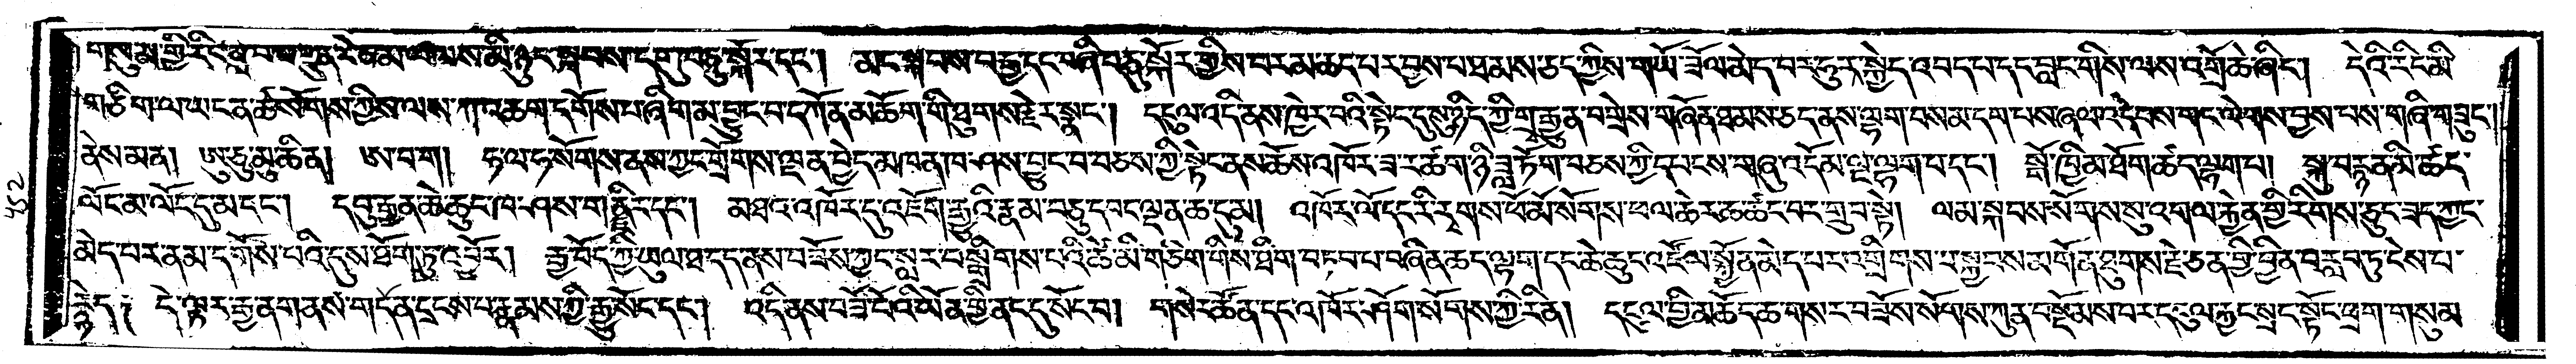གསུམ་གྱི་རིང་ཟླ་བ་བདུན་རེ་ཙམ་ལ་ལས་མི་ཉུང་སྐབས་དགུ་བཅུ་སྐོར་དང་། མང་སྐབས་བརྒྱ་དང་བཞི་བཅུ་སྐོར་གྱིས་བར་མ་ཆད་པར་བྱས་པ་ཐམས་ཅད་ཀྱིས་གཡོ་ཟོལ་མེད་པར་ཧུར་སྐྱེད་འབད་པ་དང་བླང་གིས་ལས་འགྲོ་ཆེ་ཞིང་། དེའི་རིང་མི་
གཅིག་ལ་ཡང་ན་ཚ་སོགས་ཀྱིས་ལས་ཀ་འཆག་དགོས་པ་ཞིག་མ་བྱུང་བ་དཀོན་མཆོག་གི་ཐུགས་རྗེར་སྣང་། དངུལ་འདི་ནས་ཁྱེར་བའི་སྟེང་དུ་སུ་ཉིད་ཀྱི་གྲྭ་རྒྱུན་བགྲེས་གཞོན་ཐམས་ཅད་ནས་ལྷག་བསམ་དག་པས་ཞལ་འདེབས་གང་ལེགས་བྱས་པས་གཞི་གཟུང་
ནེས་མན། ཨུ་ཅུ་མུ་ཆིན། ཨ་བ་ག། ཧ་ལ་ཧ་སོགས་ནས་ཀྱང་གྲོགས་ལྡན་བྱེད་མཁན་ཁ་ཤས་བྱུང་བ་བཅས་ཀྱི་སྟེང་ནས་ཆོས་འཁོར་ཟ་ར་ཚག་ཉི་ཟླ་ཏོག་བཅས་ཀྱི་དཔངས་གཞུ་འདོམ་ལྔ་ལྷག་པ་དང་། སྒོ་ཁྱིམ་ཐོག་ཚད་ལྷག་པ། སྐུ་བརྙན་མི་ཚད་
ལོང་མ་ལོང་དུམ་དང་། དབུ་རྒྱན་ཆེ་ཆུང་ཁ་ཤས་གནྗིར་དང་། མཐའ་འཁོར་དུ་འཇོག་རྒྱུའི་རྣམ་བཅུ་དབང་ལྡན་ཆ་དུ་མ། འཁོར་ལོ་དང་རི་རྭགས་ཕོ་མོ་སོགས་ཕལ་ཆེར་ཆ་ཚང་པར་གྲུབ་སྟེ། ལམ་སྐབས་སོགས་སུ་འགལ་རྐྱེན་གྱི་རིགས་ཅུང་ཟད་ཀྱང་
མེད་པར་ནམ་དགོས་པའི་དུས་ཐོག་ཏུ་འབྱོར། རྒྱ་བོད་ཀྱི་ཡུལ་ཐ་དད་ནས་བཟོས་ཀྱང་སླར་བསྒྲིགས་པའི་ཚེ་མི་གཅིག་གིས་ཐིག་བཏབ་པ་བཞིན་ཆད་ལྷག་དང་ཆེ་ཆུང་འཛོལ་སྐྱོན་མེད་པར་འགྲིགས་པ་བསྐྱབས་མགོན་ཐུགས་རྗེ་ཅན་གྱི་བྱིན་བརླབ་ཏུ་ངེས་པ་
རྙེད༑ དེ་ལྟར་རྒྱན་གནས་གདན་དྲངས་པ་རྣམས་ཀྱི་རྒྱུ་སོང་དང་། འདི་ནས་བཟོ་བོའི་ཡོན་གྱི་ནང་དུ་སོང་བ། གསེར་ཚོན་དང་འཁོར་ཤོག་སོགས་ཀྱི་རིན། དངུལ་གྱི་མཆོད་ཆ་གསང་བཟོས་སོགས་ཀུན་བསྔོམས་བར་དངུལ་རྒྱང་སྲང་སྟོང་ཕྲག་གསུམ་